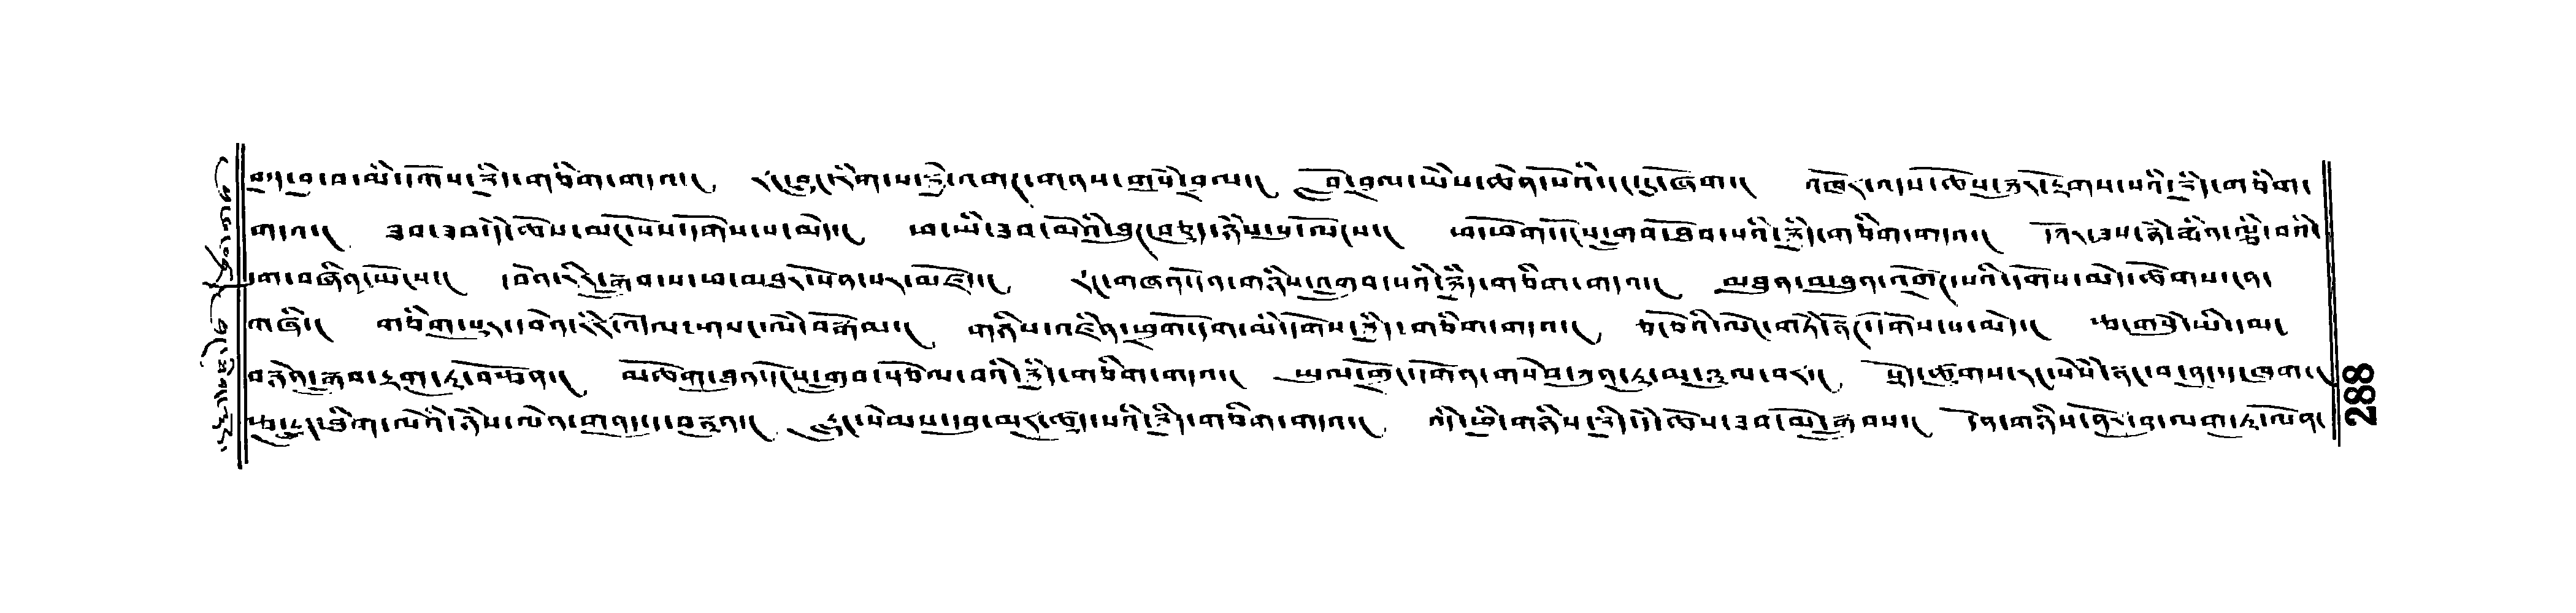བརྒྱད་བྱ་བ་མི་དགོས་སྐྱིད་གཅིག་གདའ། །རང་བྱུང་རིག་པ་སྐྱེ་འགགས་གནས་གསུམ་བྲལ། །བློ་བྲལ་ཡེ་ཤེས་ཆེན་པོའི་ངང་དུ་ཞོག །འཁོར་འདས་ཆོས་སྐུར་རྟོགས་པའི་སྐྱིད་གཅིག་
གདའ། །ཟབ་ཟབ་དམ་ཆོས་མང་པོས་དགོས་པ་མེད། །ཕ་ཡི་ཟབ་མོའི་ཐུགས་བཅུད་ཉམས་སུ་ལོངས། །ཕ་ཕོག་དངོས་གྲུབ་ཐོབ་པའི་སྐྱིད་གཅིག་གདའ། །དཀོར་ཟས་རྣམ་སྨིན་ལྕི་བས་
དུག་བཞིན་སྤོངས། །དབེན་རིར་སྒྲུབ་པ་ཕ་མཐར་སོན་པར་མཛོད། །རང་གཞན་དོན་གཉིས་འགྲུབ་པའི་སྐྱིད་གཅིག་གདའ། །མཐུན་མཐུན་འགྲོགས་པའི་དགོས་མེད་ཚོགས་ངན་
གཞི། །གཅིག་པུར་དབེན་རིར་འོད་གསལ་གསང་ལམ་བསྒོམ། །གཉིས་འཛིན་ཕྲག་དོག་མི་དགོས་སྐྱིད་གཅིག་གདའ། །ཅ་ཅོའི་ལོང་གཏམ་སྣ་ཚོགས་དགོས་པ་མེད། །རྩ་གསུམ་ཡི་དམ་
བསྙེན་སྒྲུབ་རྟག་ཏུ་བརྩོན། །མཆོག་ཐུན་དངོས་གྲུབ་སྩོལ་བའི་སྐྱིད་གཅིག་གདའ། །ཡུལ་གྲོང་དགོན་གསེབ་ཀུན་ཏུ་མ་ཉུལ་བར། །སྡོད་ཚུགས་རང་སེམས་སྣང་བ་ནང་དུ་ཁུག།
རྩ་རླུང་ཐིག་ལེའི་ཉམས་ལེན་གནད་དུ་བསྣུན། །རླུང་སེམས་དབུ་མར་ཚུད་པའི་སྐྱིད་གཅིག་གདའ། །འདི་ཕྱི་གཉིས་སྐྱིད་དམ་ཆོས་ཟབ་མོ་སྒྲུབས། །དོན་གཉིས་ནོར་བུ་ལག་ཏུ་ལོན་